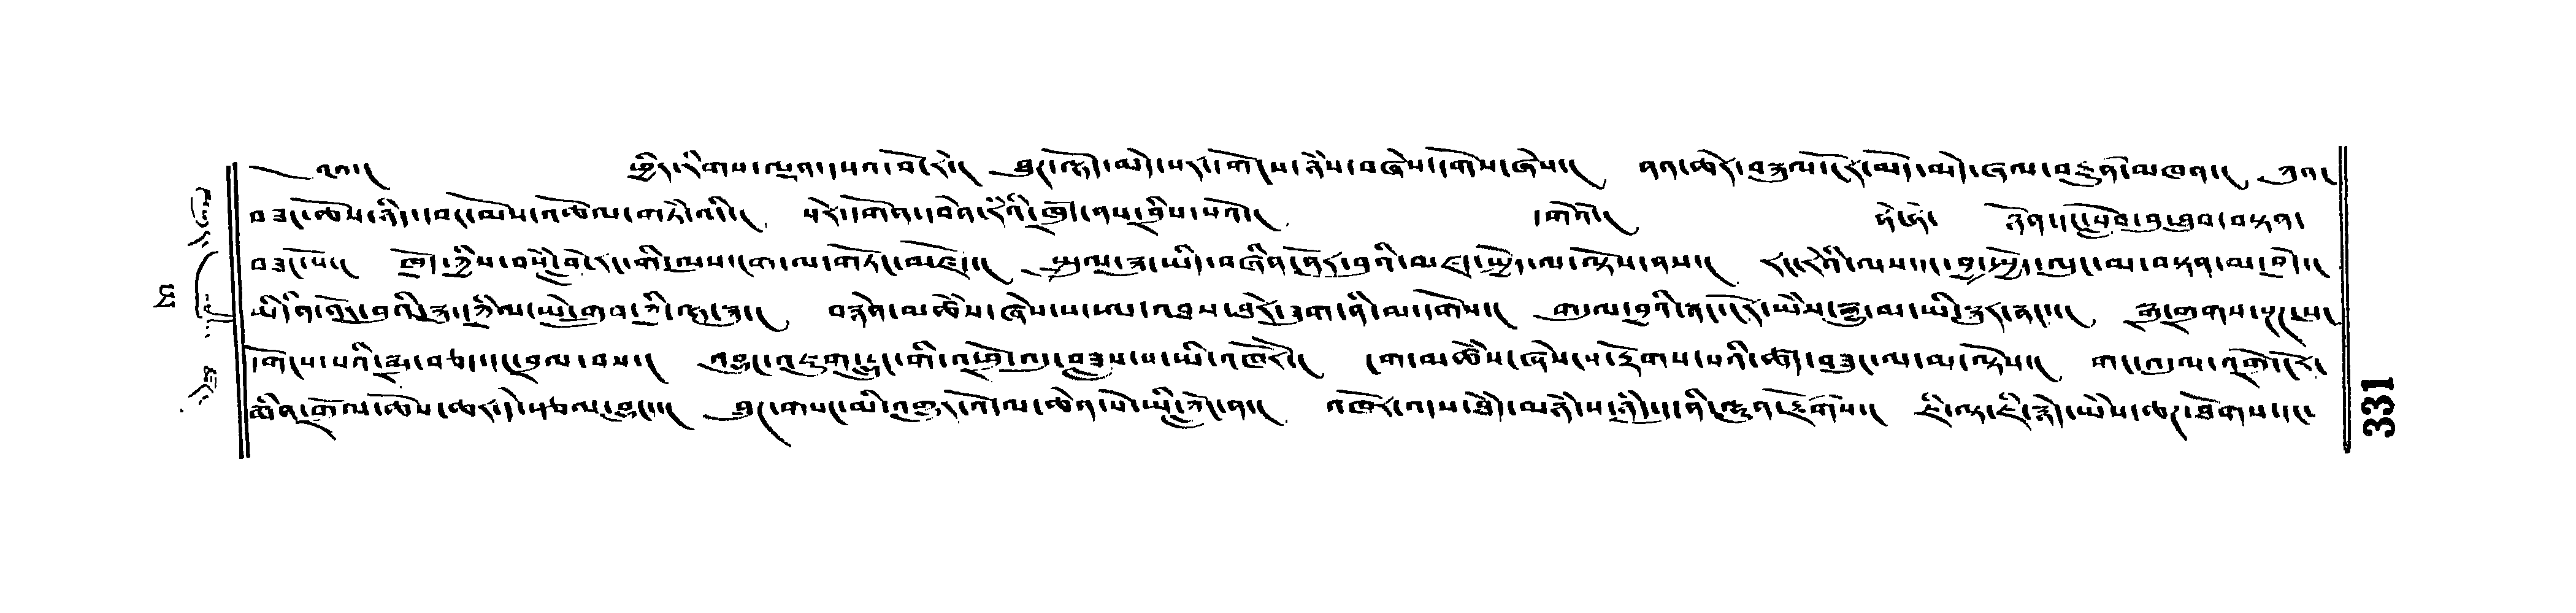ཕྱིར་རིགས་ལྡན་དཔའ་བོ་རེ། །ཐུགས་ལྷོད་མེད་པར་དགོངས་ཉམས་བཞེས་དགོས་ཞེས། །ནན་ཆེར་བསྐུལ་ངོར་མདོ་མེད་ཞལ་བརྫུན་མཁན། །ཀུན་
བཟང་ཆོས་ཉིད་དབང་མོས་འཆོལ་གཏམ་འདི། །སེར་དགོན་དབེན་རིའི་ཁྲོད་ནས་བྲིས་པའོ།། དགེའོ།། ཧེ་ཧེ། ཉོན་དང་སློབ་བུ་ཐུབ་བསྟན་
བཟང་པོ། ཁྱོད་ཀྱིས་བསམ་བློ་རང་གི་ལུས་ངག་ལ་གཏོང་མཛོད། །སྤྲུལ་སྐུ་ཡིད་བཞིན་ནོར་བུའི་མཛད་སྤྱོད་ལ་ལྟས་ནས། །རང་རེའི་ལས་དང་བྱ་སྤྱོད་ལུང་མ་བསྟན་མ་བྱེད། །
ཡིད་བཞིན་ནོར་བུའི་སྐུ་དཀྱིལ་ཡེ་གྲུབ་ཀྱི་ལྷ་སྐུ། །བསྙེན་མཚམས་ཞེས་པ་ཨ་འཐས་ཐེར་ཟུག་ནི་མི་དགོས། །གདུལ་བྱའི་སྣང་ངོར་ཡེ་ཤེས་སྒྱུ་མ་ཡི་སྐུར་སྣང་། །སྒྲ་གྲགས་སྔགས་སུ་
དགོངས་པའི་སྨྲ་བཅད་དང་བྲལ་བས། །འབྱུང་འཇུག་རླུང་གི་འཕྲོ་འདུ་བཟླས་པ་ཡི་འཁོར་ལོ། །ངག་མཚམས་ཞེས་པ་རྟོགས་པའི་ཚད་བཟུང་ལ་མི་ལྟོས། །གང་འདུལ་འགྲོ་ངོར་
སྨིན་གྲོལ་ཆོས་ཆར་དེ་སྩལ་བྱུང་། །ཐུགས་གསང་མི་འགྱུར་འོད་གསལ་ཆེན་པོ་ཡི་ཀློང་ན། །འཁོར་འདས་ཐམས་ཅད་མཉམ་པ་ཉིད་དུ་ནི་ལྷུན་རྫོགས། །ཇི་ལྟ་ཇི་སྙེད་ཡེ་ཤེས་ཆགས་ཐོགས་དང་